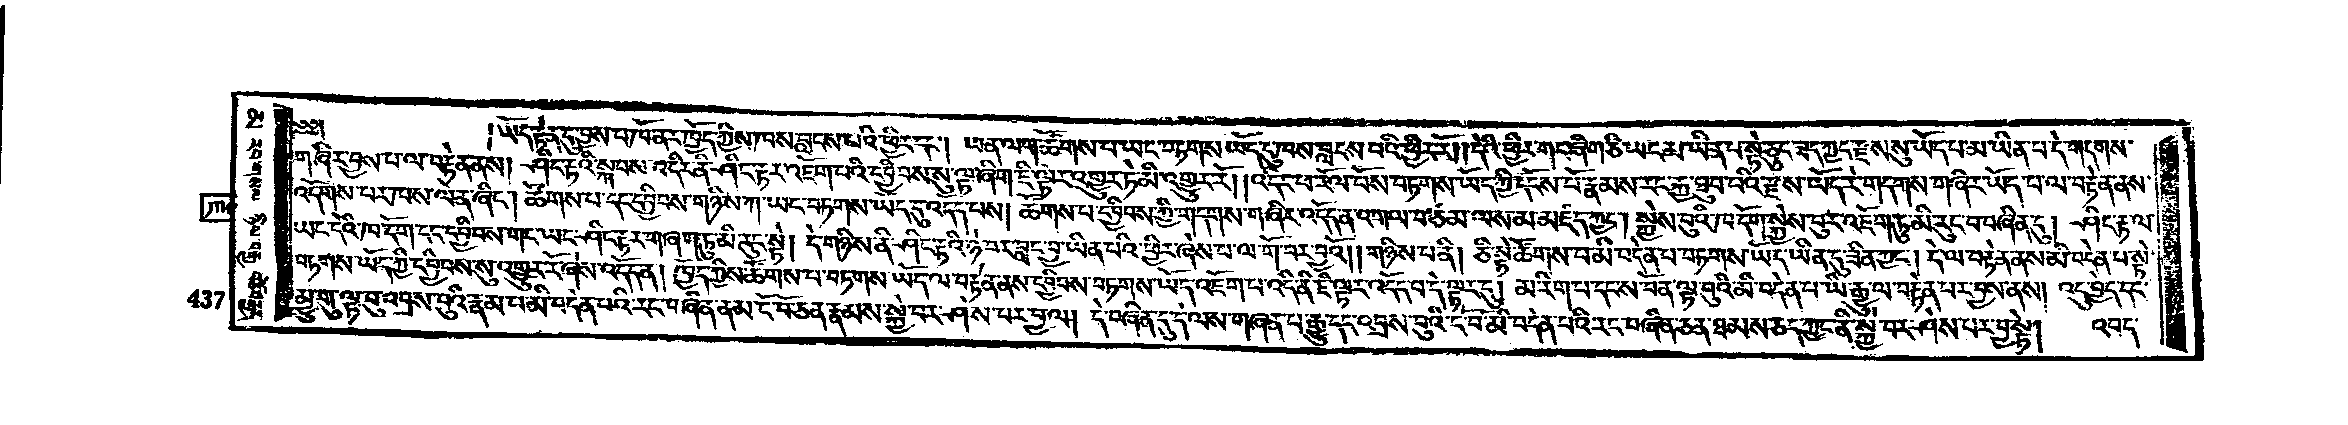༄༅། །ཡོད་རྟེན་དུ་བྱས་པ་ཁོ་ནར་ཁྱོད་ཀྱིས་ཁས་བླངས་པའི་ཕྱིར་དང་། ཡན་ལག་ཚོགས་པ་ཡང་བཏགས་ཡོད་དུ་ཁས་བླངས་པའི་ཕྱིར་རོ། །དེའི་ཕྱིར་གང་ཞིག་ཅི་ཡང་མ་ཡིན་པ་སྟེ་ཅུང་ཟད་ཀྱང་རྫས་སུ་ཡོད་པ་མ་ཡིན་པ་དེ་གདགས་
གཞིར་བྱས་པ་ལ་བརྟེན་ནས། ཤིང་རྟའི་སྐབས་འདིར་ནི་ཤིང་རྟར་འཇོག་པའི་དབྱིབས་སུ་ལྟ་ཞིག་ཇི་ལྟར་འགྱུར་ཏེ་མི་འགྱུར་རོ། །འདིར་ཕ་རོལ་པོས་བཏགས་ཡོད་ཀྱི་དངོས་པོ་རྣམས་རང་རྐྱ་ཐུབ་པའི་རྫས་ཡོད་རེ་གདགས་གཞིར་ཡོད་པ་ལ་བརྟེན་ནས་
འདོགས་པར་ཁས་ལེན་ཞིང་། ཚོགས་པ་དང་དབྱིབས་གཉིས་ཀ་ཡང་བཏགས་ཡོད་དུ་འདོད་པས། ཚོགས་པ་དབྱིབས་ཀྱི་གདགས་གཞིར་འདོད་ན་འགལ་བ་ཙམ་ལས་མ་མཛད་ཀྱང་། སྐྱེས་བུའི་ཁ་དོག་སྐྱེས་བུར་འཇོག་ཏུ་མི་རུང་བ་བཞིན་དུ། ཤིང་རྟ་ལ་
ཡང་དེའི་ཁ་དོག་དང་དབྱིབས་གང་ཡང་ཤིང་རྟར་གཞག་ཏུ་མི་རུང་སྟེ། དེ་གཉིས་ནི་ཤིང་རྟའི་ཉེ་བར་བླང་བྱ་ཡིན་པའི་ཕྱིར་ཞེས་པ་ལ་གོ་བར་བྱའོ། །གཉིས་པ་ནི། ཅི་སྟེ་ཚོགས་པ་མི་བདེན་པ་བཏགས་ཡོད་ཡིན་དུ་ཟིན་ཀྱང་། དེ་ལ་བརྟེན་ནས་མི་བདེན་པ་སྟེ་
བཏགས་ཡོད་ཀྱི་དབྱིབས་སུ་འགྱུར་རོ་ཞེས་འདོད་ན། ཁྱོད་ཀྱིས་ཚོགས་པ་བཏགས་ཡོད་ལ་བརྟེན་ནས་དབྱིབས་བཏགས་ཡོད་འཇོག་པ་འདི་ནི་ཇི་ལྟར་འདོད་པ་དེ་ལྟར་དུ། མ་རིག་པ་དང་ས་བོན་ལྟ་བུའི་མི་བདེན་པ་ཡི་རྒྱུ་ལ་བརྟེན་པར་བྱས་ནས། འདུ་བྱེད་དང་
མྱུ་གུ་ལྟ་བུ་འབྲས་བུའི་རྣམ་པ་མི་བདེན་པའི་རང་བཞིན་ནམ་ངོ་བོ་ཅན་རྣམས་སྐྱེ་བར་ཤེས་པར་བྱ་ལ། དེ་བཞིན་དུ་དེ་ལས་གཞན་པ་རྒྱུ་དང་འབྲས་བུའི་ངོ་བོ་མི་བདེན་པའི་རང་བཞིན་ཅན་ཐམས་ཅད་ཀྱང་ནི་སྐྱེ་བར་ཤེས་པར་བྱ་སྟེ། འབད་